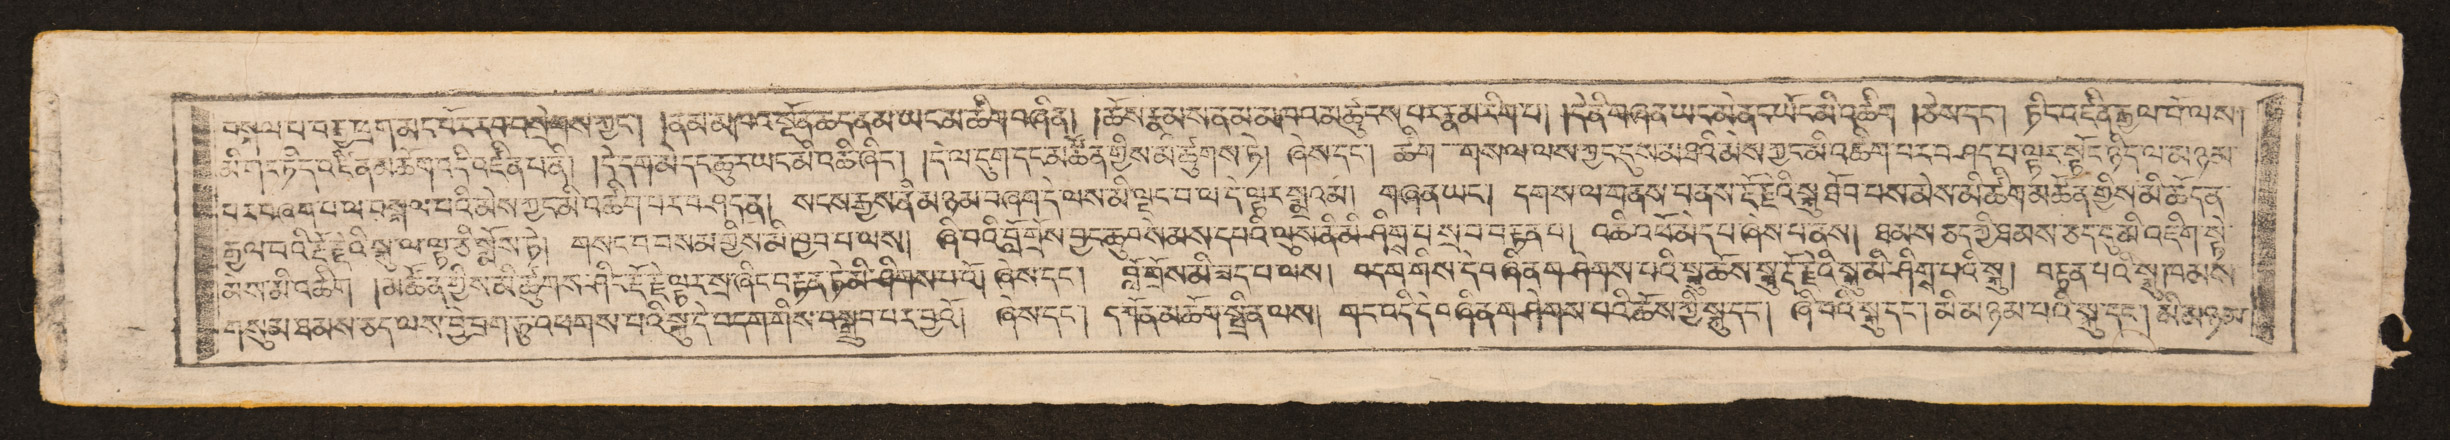བསྐལ་པ་བརྒྱ་ཕྲག་མང་པོར་རབ་བསྲེགས་ཀྱང་། །ནམ་མཁའ་སྔོན་ཆད་ནམ་ཡང་མ་ཚིག་བཞིན། །ཆོས་རྣམས་ནམ་མཁའ་མཚུངས་པར་རྣམ་རིག་པ། །དེ་ནི་གཞན་ཡང་མེ་ནང་ཡོང་མི་འཚིག །ཅེས་དང་། ཏིང་འཛིན་རྒྱལ་པོ་ལས།
མི་གང་ཏིང་འཛིན་མཆོག་འདི་འཛིན་པ་ནི། །དེ་དག་མེ་དང་ཆུར་ཡང་མི་འཆི་ཞིང་། །དེ་ལ་དུག་དང་མཚོན་གྱིས་མི་ཚུགས་ཏེ། ཞེས་དང་། ཚིག་གསལ་ལས་ཀྱང་དུས་མཐའི་མེས་ཀྱང་མི་འཚིག་པར་བཤད་པ་ལྟར་སྟོང་ཉིད་ལ་མཉམ་
པར་བཞག་པ་ལ་བསྐལ་པའི་མེས་ཀྱང་མི་འཚིག་པར་བཤད་ན། སངས་རྒྱས་ནི་མཉམ་བཞག་དེ་ལས་མི་ལྡང་བ་ལ་དེ་ལྟར་སྨྲའམ། གཞན་ཡང་། དག་ས་ལ་གནས་པ་ནས་རྡོ་རྗེའི་སྐུ་ཐོབ་པས་མེས་མི་ཚིག་མཚོན་གྱིས་མི་ཆོད་ན་
རྒྱལ་བའི་རྡོ་རྗེའི་སྐུ་ལ་ལྟ་ཅི་སྨོས་ཏེ། གསང་བ་བསམ་གྱིས་མི་ཁྱབ་པ་ལས། ཞི་བའི་བློ་གྲོས་བྱང་ཆུབ་སེམས་དཔའི་ལུས་ནི་མི་ཤིགས་པ་སྲབ་བརྟན་པ། འཆི་འཕོ་མེད་པ་ཞེས་པ་ནས། ཐམས་ཅད་ཀྱི་ཐམས་ཅད་དུ་མི་འཇིག་སྟེ་
མེས་མི་འཚིག །མཚོན་གྱིས་མི་ཚུགས་ཤིང་རྡོ་རྗེ་ལྟར་སྲ་ཞིང་བརྟན་ཏེ་མི་ཤིགས་པའོ། ཞེས་དང་། བློ་གྲོས་མི་ཟད་པ་ལས། བདག་གིས་དེ་བཞིན་གཤེགས་པའི་སྐུ་ཆོས་སྐུ་རྡོ་རྗེའི་སྐུ་མི་ཤིགས་པའི་སྐུ། བརྟན་པའི་སྐུ་ཁམས་
གསུམ་ཐམས་ཅད་ལས་བྱེ་བྲག་ཏུ་འཕགས་པའི་སྐུ་དེ་བདག་གིས་བསྒྲུབ་པར་བྱའོ། ཞེས་དང་། དཀོན་མཆོག་སྤྲིན་ལས། གང་འདི་དེ་བཞིན་གཤེགས་པའི་ཆོས་ཀྱི་སྐུ་དང་། ཞི་བའི་སྐུ་དང་། མི་མཉམ་པའི་སྐུ་དང་། མི་མཉམ་